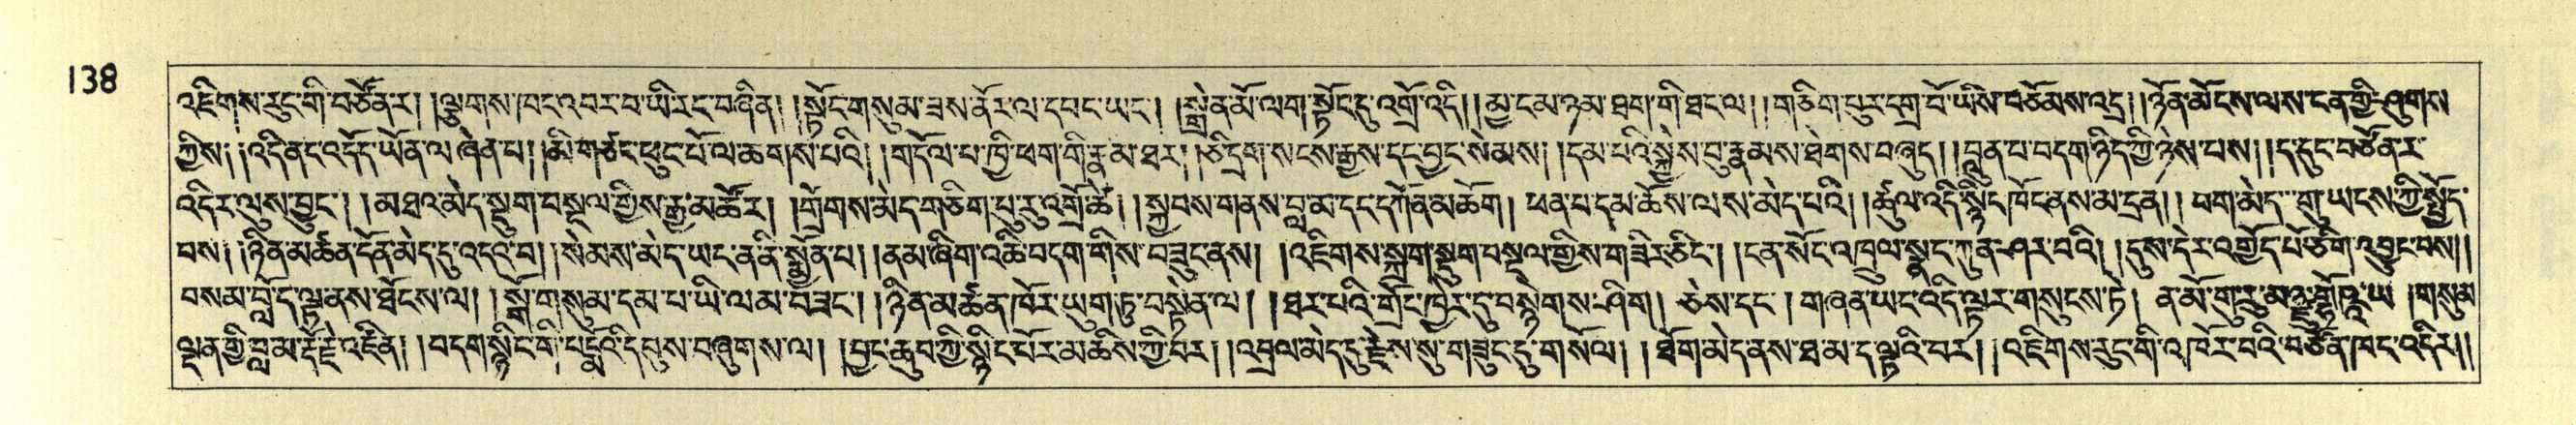འཇིགས་རུང་གི་བཙོན་ར། །ལྕགས་ཁང་འབར་བ་ཡི་རང་བཞིན། །སྟོང་གསུམ་ཟས་ནོར་ལ་དབང་ཡང་། །སྒྲེན་མོ་ལག་སྟོང་དུ་འགྲོ་འདི། །མྱ་ངམ་ཉམ་ཐག་གི་ཐང་ལ། །གཅིག་པུར་དགྲ་བོ་ཡིས་བཅོམས་འདྲ། །ཉོན་མོངས་ལས་ངན་གྱི་ཤུགས་
ཀྱིས༑ ༑འདི་ནང་འདོད་ཡོན་ལ་ཞེན་པ། །མི་གཙང་ཕུང་པོ་ལ་ཆགས་པའི། །གདོལ་པ་ཁྱི་ཕག་གི་རྣམ་ཐར། །ཅི་དྲག་སངས་རྒྱས་དང་བྱང་སེམས། །དམ་པའི་སྐྱེས་བུ་རྣམས་ཐེགས་བཞུད། །བླུན་པ་བདག་ཉིད་ཀྱི་ཉེས་པས། །ད་དུང་བཙོན་ར་
འདིར་ལུས་བྱུང་། །མཐའ་མེད་སྡུག་བསྔལ་གྱིས་རྒྱ་མཚོར། །གྲོགས་མེད་གཅིག་པུ་རུ་འགྲོ་ཚེ། །སྐྱབས་གནས་བླ་མ་དང་དཀོན་མཆོག། ཕན་པ་དམ་ཆོས་ལས་མེད་པའི། །ཚུལ་འདི་སྙིང་ཁོང་ནས་མ་དྲན། །བག་མེད་གུ་ཡངས་ཀྱི་སྤྱོད་
བས༑ ༑ཉིན་མཚན་དོན་མེད་དུ་འདའ་བ། །སེམས་མེད་ཡང་ན་ནི་སྨྱོན་པ། །ནམ་ཞིག་འཆི་བདག་གིས་བཟུང་ནས། །འཇིགས་སྐྲག་སྡུག་བསྔལ་གྱིས་གཟིར་ཅིང་། །ངན་སོང་འཁྲུལ་སྣང་ཀུན་ཤར་བའི། །དུས་དེར་འགྱོད་པོ་ཅིག་འབྱུང་བས། །
བསམ་བློ་ད་ལྟ་ནས་ཐོངས་ལ། །སྒོ་གསུམ་དམ་པ་ཡི་ལམ་བཟང་། །ཉིན་མཚན་ཁོར་ཡུག་ཏུ་བསྟེན་ལ། །ཐར་པའི་གྲོང་ཁྱེར་དུ་བསྙེགས་ཤིག། ཅེས་དང་། གཞན་ཡང་འདི་ལྟར་གསུངས་ཏེ། ན་མོ་གུ་རུ་མཉྫུ་གྷོཥཱ་ཡ་།གསུམ་
ལྡན་གྱི་བླ་མ་རྡོ་རྗེ་འཛིན། །བདག་སྙིང་གི་པདམོའི་དབུས་བཞུགས་ལ། །བྱང་ཆུབ་ཀྱི་སྙིང་པོར་མཆིས་ཀྱི་བར། །འབྲལ་མེད་དུ་རྗེས་སུ་གཟུང་དུ་གསོལ། །ཐོག་མེད་ནས་ཐ་མ་ད་ལྟའི་བར། །འཇིགས་རུང་གི་འཁོར་བའི་བཙོན་ཁང་འདིར། །